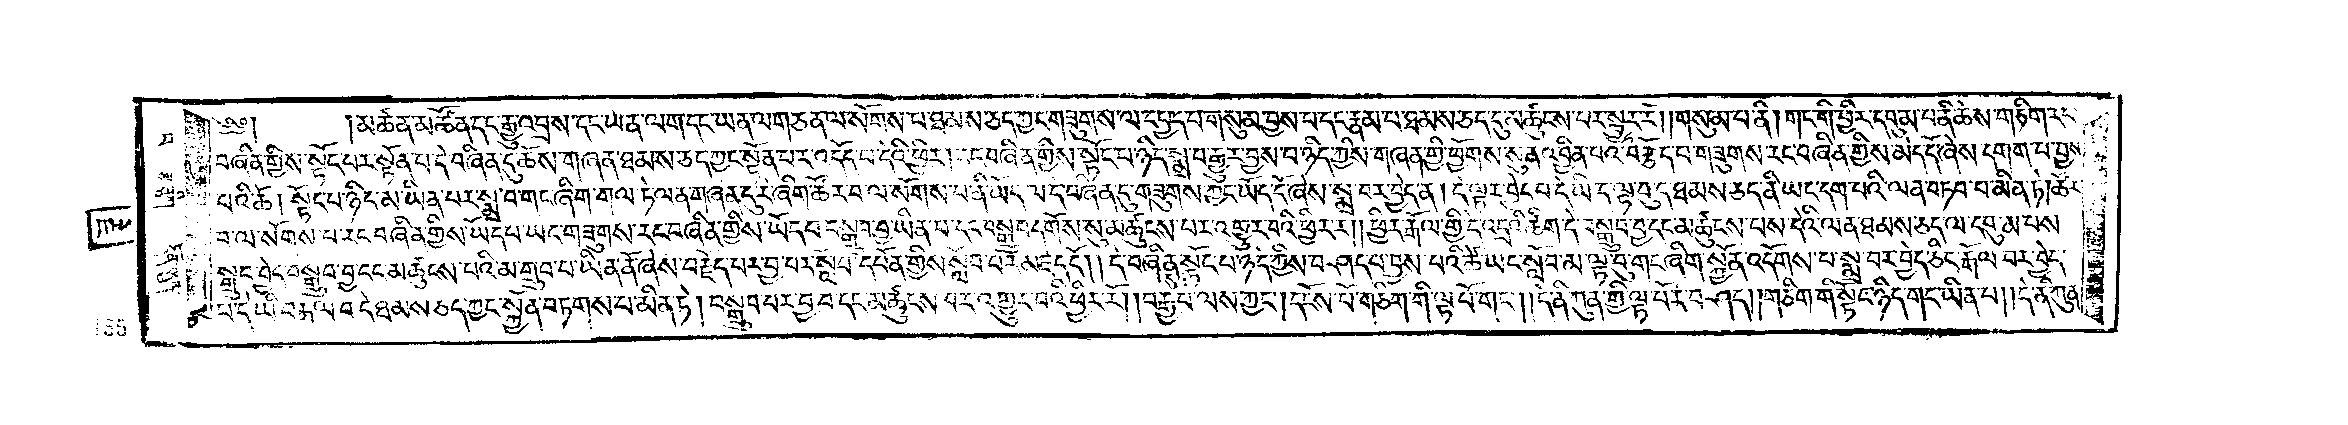༄༅། །མཚན་མཚོན་དང་རྒྱུ་འབྲས་དང་ཡན་ལག་དང་ཡན་ལག་ཅན་ལ་སོགས་པ་ཐམས་ཅད་ཀྱང་གཟུགས་ལ་དཔྱད་པ་གསུམ་བྱས་པ་དང་རྣམ་པ་ཐམས་ཅད་དུ་མཚུངས་པར་སྦྱར་རོ། །གསུམ་པ་ནི། གང་གི་ཕྱིར་དབུ་མ་པ་ནི་ཆོས་གཅིག་དང་
བཞིན་གྱིས་སྟོང་པར་སྟོན་པ་དེ་བཞིན་དུ་ཆོས་གཞན་ཐམས་ཅད་ཀྱང་སྟོན་པར་འདོད་པ་དེའི་ཕྱིར་།རང་བཞིན་གྱིས་སྟོང་པ་ཉིད་སྨྲ་བ་རྒྱུར་བྱས་པ་ཉིད་ཀྱིས་གཞན་གྱི་ཕྱོགས་སུན་འབྱིན་པཱྀ་བརྩོད་པ་གཟུགས་རང་བཞིན་གྱིས་མེད་དོ་ཞེས་དགག་པ་བྱས་
པའི་ཚེ། སྟོང་པ་ཉིད་མ་ཡིན་པར་སྨྲ་བ་གང་ཞིག་གལ་ཏེ་ལན་གཞན་དུ་རེ་ཞིག་ཚོར་བ་ལ་སོགས་པ་ནི་ཡོད་ལ་དེ་བཞིན་དུ་གཟུགས་ཀྱང་ཡོད་དོ་ཞེས་སྨྲ་བར་བྱེད་ན། དེ་ལྟར་བྱེད་པ་དེ་ཡི་ད་ལྟ་བུ་ད་ཐམས་ཅད་ནི་ཡང་དག་པའི་ལན་བཏབ་པ་མིན་ཏེ། ཚོར་
བ་ལ་སོགས་པ་རང་བཞིན་གྱིས་ཡོད་པ་ཡང་གཟུགས་རང་བཞིན་གྱིས་ཡོད་པ་བསྒྲུབ་བྱ་ཡིན་པ་དང་བསྒྲུབ་དགོས་སུ་མཚུངས་པར་འགྱུར་བའི་ཕྱིར་རོ། །ཕྱིར་རྒོལ་གྱི་དེ་འདྲའི་ཚིག་དེ་བསྒྲུབ་བྱ་དང་མཚུངས་པས་དེའི་ལན་ཐམས་ཅད་ལ་དབུ་མ་པས་
སྒྲུབ་བྱེད་བསྒྲུབ་བྱ་དང་མཚུངས་པའི་མ་གྲུབ་པ་ཡིན་ནོ་ཞེས་བརྗོད་པར་བྱ་བར་སློབ་དཔོན་གྱིས་སློབ་པར་མཛད་དོ། །དེ་བཞིན་སྟོང་པ་ཉིད་ཀྱིས་བཤད་པ་བྱས་པའི་ཚེ་ཡང་སློབ་མ་ལྟ་བུ་གང་ཞིག་སྐྱོན་འདོགས་པ་སྨྲ་བར་བྱེད་ཅིང་རྒོལ་བར་བྱེད་
པ་དེ་ཡི་བརྒལ་བ་དེ་ཐམས་ཅད་ཀྱང་སྐྱོན་བཏགས་པ་མིན་ཏེ། བསྒྲུབ་པར་བྱ་བ་དང་མཚུངས་པར་འགྱུར་བའི་ཕྱིར་རོ། །བརྒྱབ་ལས་ཀྱང་། དངོས་པོ་གཅིག་གི་ལྟ་པོ་གང་། །དེ་ནི་ཀུན་གྱི་ལྟ་པོར་བཤད། །གཅིག་གི་སྟོང་ཉིད་གང་ཡིན་པ། །དེ་ནི་ཀུན་